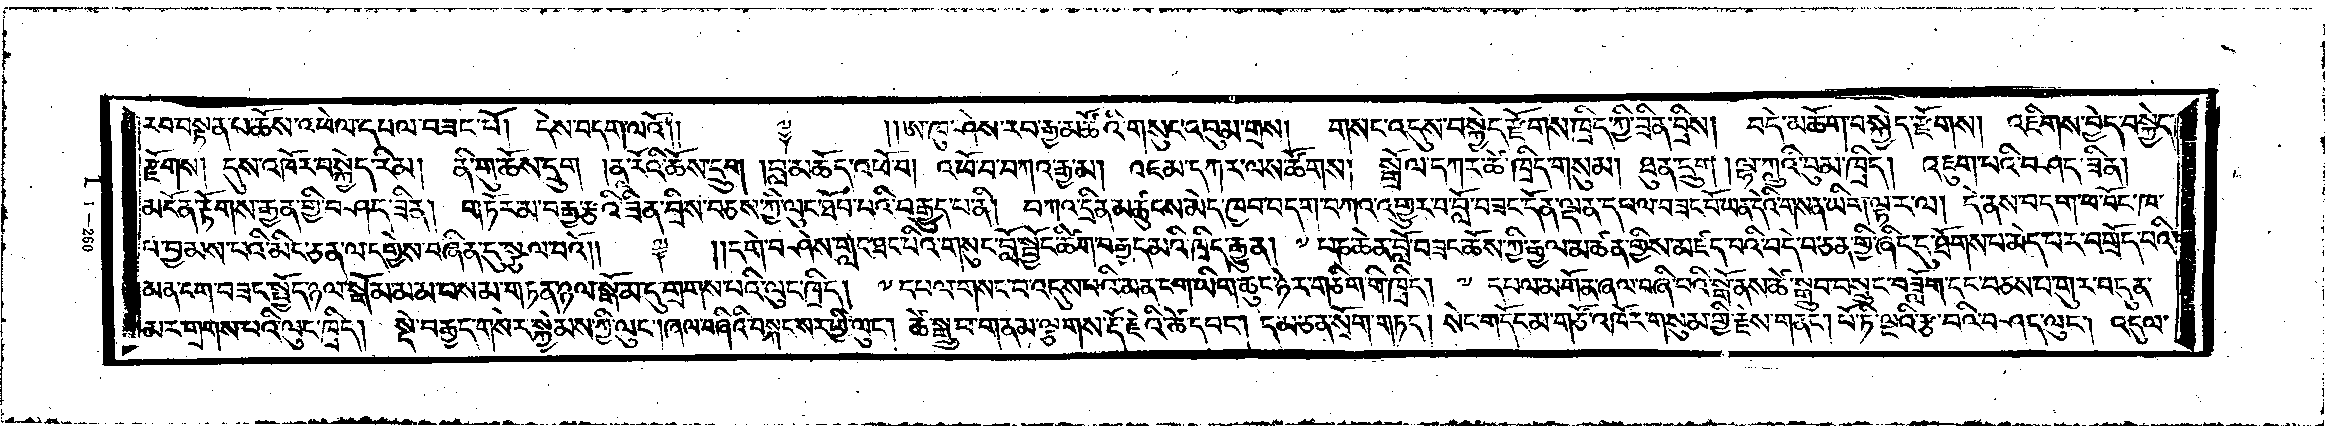རབ་བསྟན་པ་ཆོས་འཕེལ་དཔལ་བཟང་པོ། དེས་བདག་ལའོ།། འ་།།ཨ་ཁུ་ཤེས་རབ་རྒྱ་མཚོའི་གསུང་འབུམ་གྲས། གསང་འདུས་བསྐྱེད་རྫོགས་ཁྲིད་ཀྱི་ཟིན་བྲིས། བདེ་མཆོག་བསྐྱེད་རྫོགས། འཇིགས་བྱེད་བསྐྱེད་
རྫོགས། དུས་འཁོར་བསྐྱེད་རིམ། ནི་གུ་ཆོས་དྲུག །ནཱ་རོའི་ཆོས་དྲུག །བླ་མཆོད་འཕོ་བ། འཕོ་བ་བཀའ་རྒྱ་མ། འཇམ་དཀར་ལས་ཚོགས། སྒྲོལ་དཀར་ཚེ་ཁྲིད་གསུམ། ཐུན་དྲུག །ལྷ་ཀླུའི་བུམ་ཁྲིད། འཇུག་པའི་བཤད་ཟིན།
མངོན་རྟོགས་རྒྱན་གྱི་བཤད་ཟིན། གཏོར་མ་བརྒྱ་རྩའི་ཟིན་བྲིས་བཅས་ཀྱི་ལུང་ཐོབ་པའི་བརྒྱུད་པ་ནི། བཀའ་དྲིན་མཚུངས་མེད་ཁྱབ་བདག་བཀའ་འགྱུར་བ་བློ་བཟང་དོན་ལྡན་དཔལ་བཟང་པོ་ཡན་དེའི་གསན་ཡིག་ལྟར་ལ། དེ་ནས་བདག་ཕ་བོང་ཁ་
པ་བྱམས་པའི་མིང་ཅན་ལ་དགྱེས་བཞིན་དུ་སྩལ་བའོ།། འ་།།དགེ་བཤེས་གླང་ཐང་པའི་གསུང་བློ་སྦྱོང་ཚིག་བརྒྱད་མའི་ཁྲིད་རྒྱུན། ༧པཎ་ཆེན་བློ་བཟང་ཆོས་ཀྱི་རྒྱལ་མཚན་གྱིས་མཛད་པའི་བདེ་བ་ཅན་གྱི་ཞིང་དུ་ཐོགས་པ་མེད་པར་བགྲོད་པའི་
མན་ངག་བཟང་སྤྱོད་ཉལ་སྒོམ་མམ་བསམ་གཏན་ཉལ་སྒོམ་དུ་གྲགས་པའི་ལུང་ཁྲིད། ༧་དཔལ་གསང་བ་འདུས་པའི་མན་ངག་ཡིག་ཆུང་ཉེར་གཅིག་གི་ཁྲིད། ༧་དཔལ་མགོན་ཞལ་བཞི་བའི་སྒོ་ནས་ཚེ་སྒྲུབ་བསྲུང་བཟློག་དང་བཅས་པ་གུར་བདུན་
མར་གྲགས་པའི་ལུང་ཁྲིད། སྡེ་བརྒྱད་གསེར་སྐྱེ་མས་ཀྱི་ལུང་། ཞལ་བཞིའི་བསྐང་སར་ཕྱི་ལུང་། ཚེ་སྒྲུབ་གནམ་ལྕགས་རྡོ་རྗེའི་ཚེ་དབང་། ད་མ་ཅན་སྲོག་གཏད། སེང་གདོང་མ་གཙོ་འཁོར་གསུམ་གྱི་རྗེས་གནང་། པོ་ཏི་ལྔའི་རྩ་བའི་བཤད་ལུང་། འདུལ་